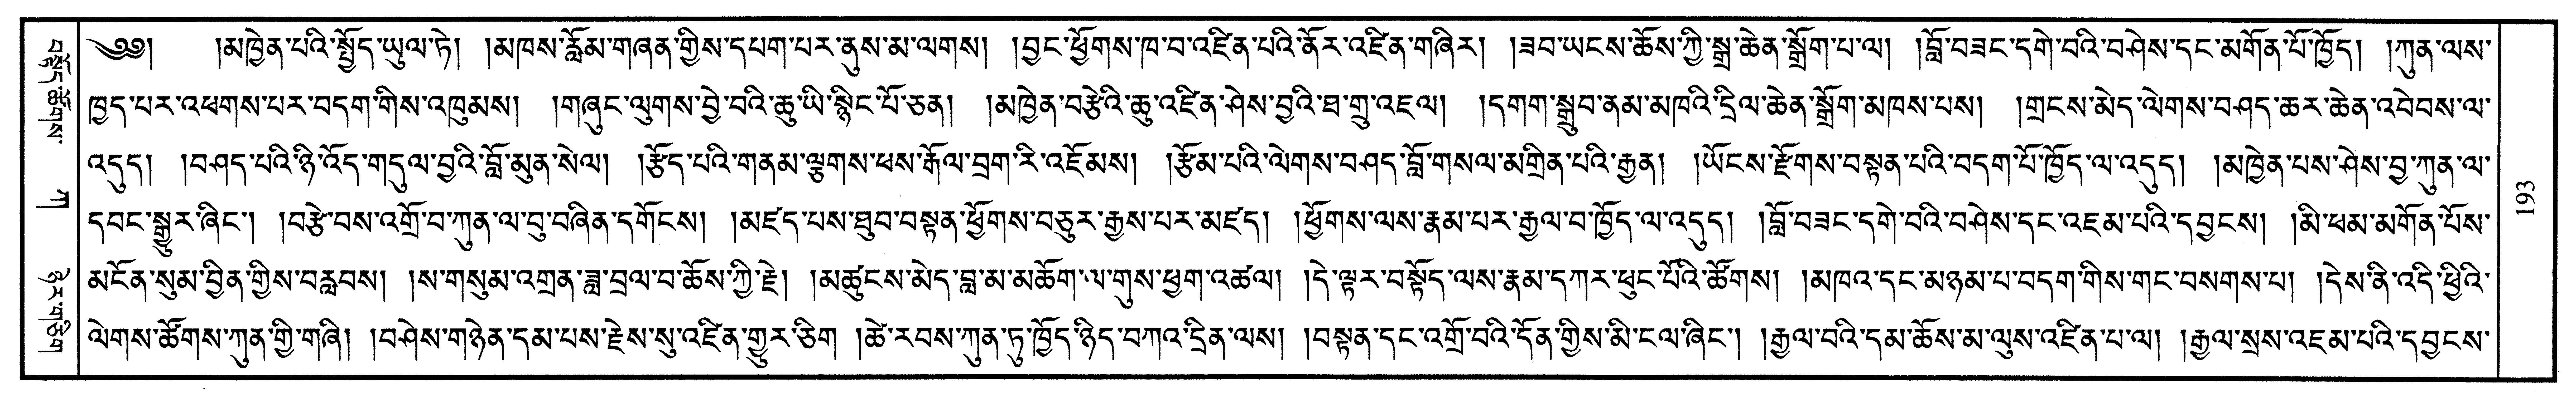༄༅། །མཁྱེན་པའི་སྤྱོད་ཡུལ་ཏེ། །མཁས་རློམ་གཞན་གྱིས་དཔག་པར་ནུས་མ་ལགས། །བྱང་ཕྱོགས་ཁ་བ་འཛིན་པའི་ནོར་འཛིན་གཞིར། །ཟབ་ཡངས་ཆོས་ཀྱི་སྒྲ་ཆེན་སྒྲོག་པ་ལ། །བློ་བཟང་དགེ་བའི་བཤེས་དང་མགོན་པོ་ཁྱོད། །ཀུན་ལས་
ཁྱད་པར་འཕགས་པར་བདག་གིས་འཁུམས། །གཞུང་ལུགས་བྱེ་བའི་ཆུ་ཡི་སྙིང་པོ་ཅན། །མཁྱེན་བརྩེའི་ཆུ་འཛིན་ཤེས་བྱའི་ཐ་གྲུ་འཇལ། །དགག་སྒྲུབ་ནམ་མཁའི་དྲིལ་ཆེན་སྒྲོག་མཁས་པས། །གྲངས་མེད་ལེགས་བཤད་ཆར་ཆེན་འབེབས་ལ་
འདུད། །བཤད་པའི་ཉི་འོད་གདུལ་བྱའི་བློ་མུན་སེལ། །རྩོད་པའི་གནམ་ལྕགས་ཕས་རྒོལ་བྲག་རི་འཇོམས། །རྩོམ་པའི་ལེགས་བཤད་བློ་གསལ་མགྲིན་པའི་རྒྱན། །ཡོངས་རྫོགས་བསྟན་པའི་བདག་པོ་ཁྱོད་ལ་འདུད། །མཁྱེན་པས་ཤེས་བྱ་ཀུན་ལ་
དབང་སྒྱུར་ཞིང་། །བརྩེ་བས་འགྲོ་བ་ཀུན་ལ་བུ་བཞིན་དགོངས། །མཛད་པས་ཐུབ་བསྟན་ཕྱོགས་བཅུར་རྒྱས་པར་མཛད། །ཕྱོགས་ལས་རྣམ་པར་རྒྱལ་བ་ཁྱོད་ལ་འདུད། །བློ་བཟང་དགེ་བའི་བཤེས་དང་འཇམ་པའི་དབྱངས། །མི་ཕམ་མགོན་པོས་
མངོན་སུམ་བྱིན་གྱིས་བརླབས། །ས་གསུམ་འགྲན་ཟླ་བྲལ་བ་ཆོས་ཀྱི་རྗེ། །མཚུངས་མེད་བླ་མ་མཆོག་ལ་གུས་ཕྱག་འཚལ། །དེ་ལྟར་བསྟོད་ལས་རྣམ་དཀར་ཕུང་པོའི་ཚོགས། །མཁའ་དང་མཉམ་པ་བདག་གིས་གང་བསགས་པ། །དེས་ནི་འདི་ཕྱིའི་
ལེགས་ཚོགས་ཀུན་གྱི་གཞི། །བཤེས་གཉེན་དམ་པས་རྗེས་སུ་འཛིན་གྱུར་ཅིག །ཚེ་རབས་ཀུན་ཏུ་ཁྱོད་ཉིད་བཀའ་དྲིན་ལས། །བསྟན་དང་འགྲོ་བའི་དོན་གྱིས་མི་ངལ་ཞིང་། །རྒྱལ་བའི་དམ་ཆོས་མ་ལུས་འཛིན་པ་ལ། །རྒྱལ་སྲས་འཇམ་པའི་དབྱངས་